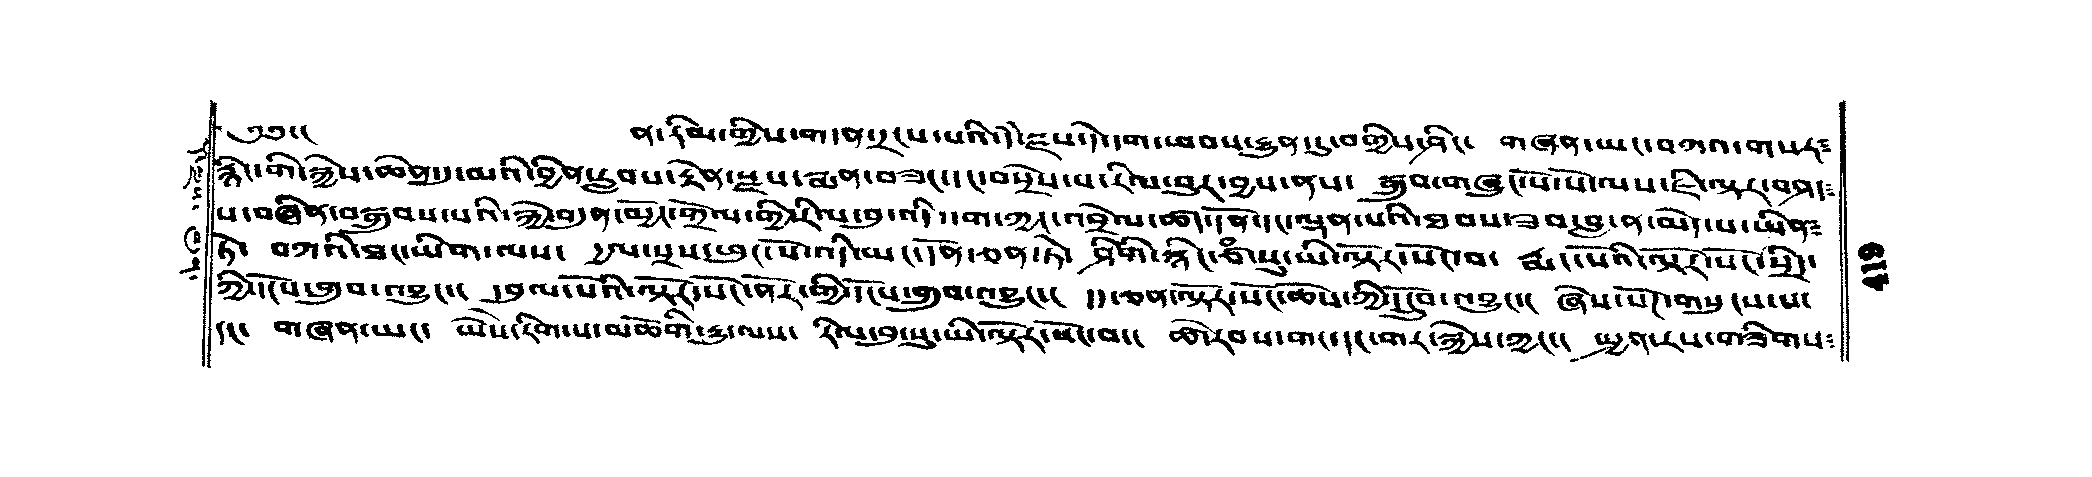ན་རིམ་གྱིས་གདན་དྲངས་པའི་དམ་རྫས་དེ་དག་ཕབ་རྒྱུན་དུ་བགྱིས་ཤིང་། གཞན་ཡང་བཀའ་གསར་
རྙིང་གི་སྐྱེས་ཆེན་དུ་མའི་བྱིན་བརླབས་རྟེན་རྫས་སྨན་བཟང་དང་བསྲེས་པ་རིལ་བུར་བྱས་ནས། སྒྲུབ་གཞུང་སོ་སོ་ལས་ཇི་ལྟར་བཤད་
པ་བཞིན་བསྒྲུབ་པའི་སྐྱེ་བདུན་མྱོང་གྲོལ་གྱི་རིལ་བུ་འདི་དག་ཀྱང་འབྲེལ་ཚད་དོན་དང་ལྡན་པའི་ཐབས་ཟབ་བླ་ན་མེད་པ་ཡིན་
ཏེ། བཀའི་ཐང་ཡིག་ལས། རྒྱལ་སྲས་ཕུང་པོ་འདི་ཡང་དོན་ཅན་ཏེ། །ཤིག་གི་སྙིང་ཙམ་སུ་ཡི་ལྟོར་སོང་བ། །རྨང་པོའི་ལྟོར་སོང་སྲིད་
ཀྱི་དངོས་གྲུབ་འབྱུང་། །དབུལ་པོའི་ལྟོར་སོང་ནོར་གྱི་དངོས་གྲུབ་འབྱུང་། །དད་ཅན་ལྟོར་སོང་ཆོས་ཀྱི་དངོས་གྲུབ་འབྱུང་། ཞེས་སོགས་གསུངས་པ་
དང་། གཞན་ཡང་ཡེ་ཤེས་རིག་པ་མཆོག་གི་རྒྱུད་ལས། རིལ་བུ་སུ་ཡི་ལྟོར་སོང་བ། །ཚེ་རབས་གང་དང་གར་སྐྱེས་ཀྱང་། །སྤྱན་རས་གཟིགས་